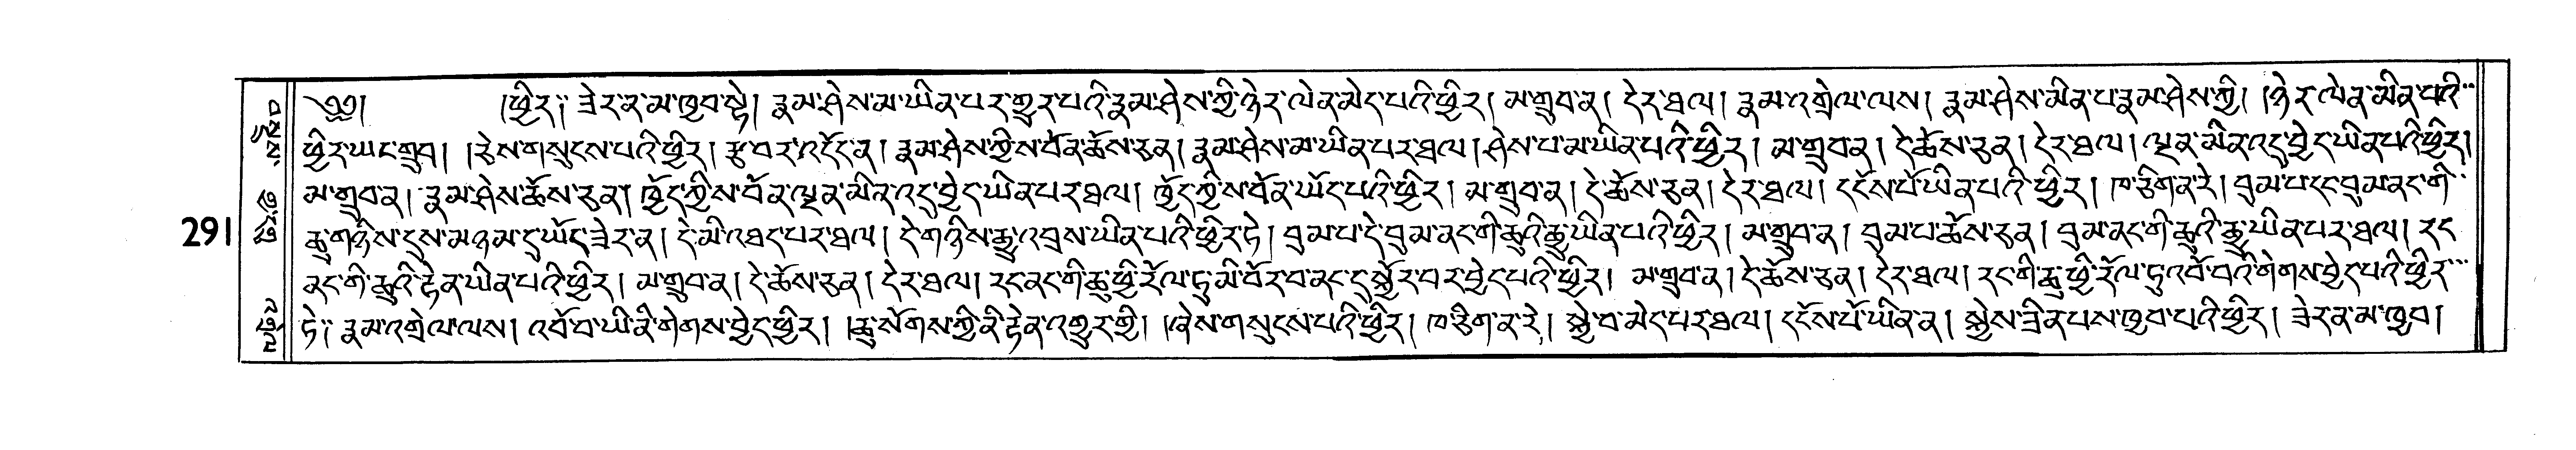༄༅། །ཕྱིར༑ ཟེར་ན་མ་ཁྱབ་སྟེ། རྣམ་ཤེས་མ་ཡིན་པར་གྱུར་པའི་རྣམ་ཤེས་ཀྱི་ཉེར་ལེན་མེད་པའི་ཕྱིར། མ་གྲུབ་ན། དེར་ཐལ། རྣམ་འགྲེལ་ལས། རྣམ་ཤེས་མིན་པ་རྣམ་ཤེས་ཀྱི། །ཉེར་ལེན་མིན་པའི་
ཕྱིར་ཡང་གྲུབ། །ཅེས་གསུངས་པའི་ཕྱིར། རྩ་བར་འདོད་ན། རྣམ་ཤེས་ཀྱི་ས་བོན་ཆོས་ཅན། རྣམ་ཤེས་མ་ཡིན་པར་ཐལ། །ཤེས་པ་མ་ཡིན་པའི་ཕྱིར། མ་གྲུབ་ན། དེ་ཆོས་ཅན། དེར་ཐལ། ལྡན་མིན་འདུ་བྱེད་ཡིན་པའི་ཕྱིར།
མ་གྲུབ་ན། རྣམ་ཤེས་ཆོས་ཅན། ཁྱོད་ཀྱི་ས་བོན་ལྡན་མིན་འདུ་བྱེད་ཡིན་པར་ཐལ། ཁྱོད་ཀྱི་ས་བོན་ཡོད་པའི་ཕྱིར། མ་གྲུབ་ན། དེ་ཆོས་ཅན། དེར་ཐལ། དངོས་པོ་ཡིན་པའི་ཕྱིར། ཁ་ཅིག་ན་རེ། བུམ་པ་དང་བུམ་ནང་གི་
ཆུ་གཉིས་དུས་མཉམ་དུ་ཡོད་ཟེར་ན། དེ་མི་འཐད་པར་ཐལ། དེ་གཉིས་རྒྱུ་འབྲས་ཡིན་པའི་ཕྱིར་ཏེ། བུམ་པ་དེ་བུམ་ནང་གི་ཆུའི་རྒྱུ་ཡིན་པའི་ཕྱིར། མ་གྲུབ་ན། བུམ་པ་ཆོས་ཅན། བུམ་ནང་གི་ཆུའི་རྒྱུ་ཡིན་པར་ཐལ། རང་
ནང་གི་ཆུའི་རྟེན་ཡིན་པའི་ཕྱིར། མ་གྲུབ་ན། དེ་ཆོས་ཅན། དེར་ཐལ། རང་ནང་གི་ཆུ་ཕྱི་རོལ་ཏུ་མི་བོར་བ་ནང་དུ་སྐྱོར་བར་བྱེད་པའི་ཕྱིར། མ་གྲུབ་ན། དེ་ཆོས་ཅན། དེར་ཐལ། རང་གི་ཆུ་ཕྱི་རོལ་ཏུ་འབོ་བའི་གེགས་བྱེད་པའི་ཕྱིར་
ཏེ༑ རྣམ་འགྲེལ་ལས། འབོ་བ་ཡི་ནི་གེགས་བྱེད་ཕྱིར། །ཆུ་སོགས་ཀྱི་ནི་རྟེན་འགྱུར་གྱི། །ཞེས་གསུངས་པའི་ཕྱིར། ཁ་ཅིག་ན་རེ། སྐྱེ་བ་མེད་པར་ཐལ། དངོས་པོ་ཡིན་ན། སྐྱེས་ཟིན་པས་ཁྱབ་པའི་ཕྱིར། ཟེར་ན་མ་ཁྱབ།